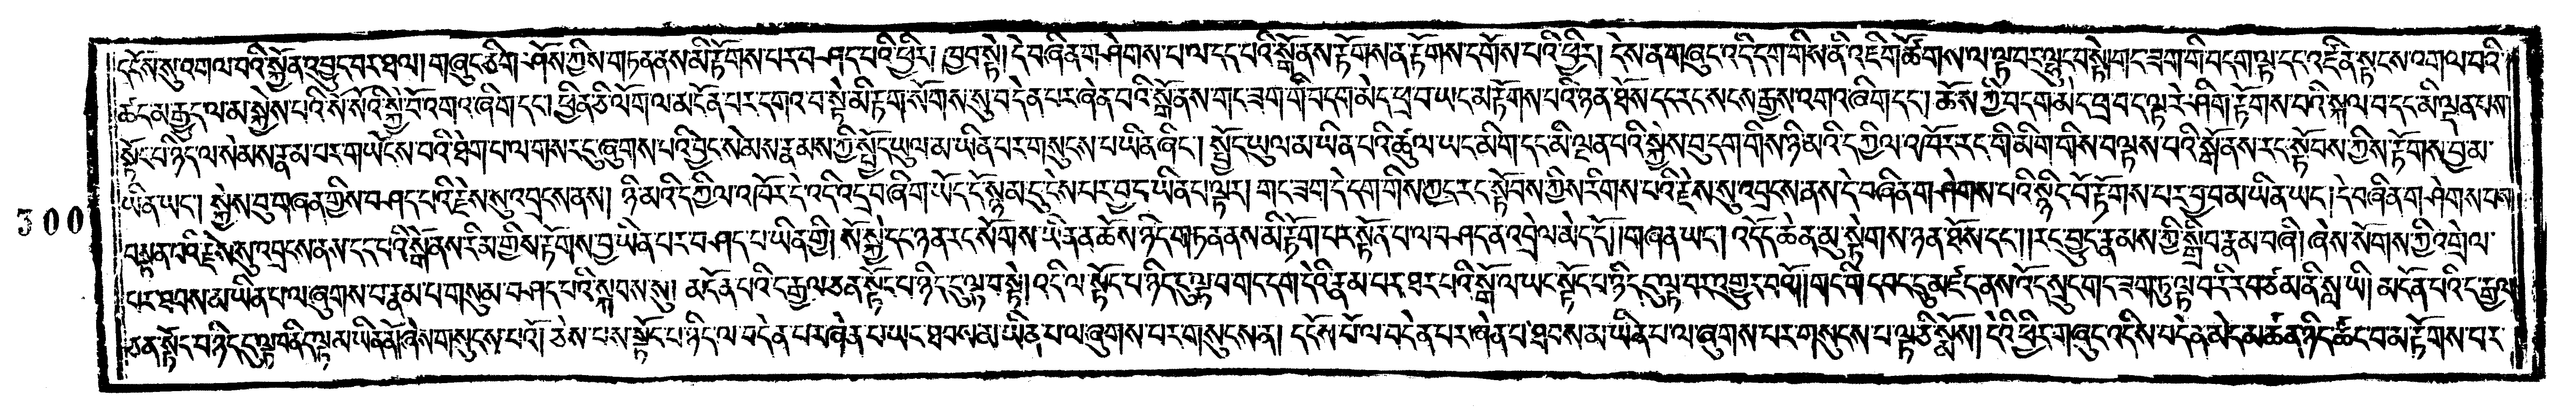དངོས་སུ་འགལ་བའི་སྐྱོན་འབྱུང་བར་ཐལ། གཞུང་ཅིག་ཤོས་ཀྱིས་གཏན་ནས་མི་རྟོགས་པར་བཤད་པའི་ཕྱིར། ཁྱབ་སྟེ། དེ་བཞིན་གཤེགས་པ་ལ་དད་པའི་སྒོ་ནས་རྟོགས་ན་རྟོགས་དགོས་པའི་ཕྱིར། དེས་ན་གཞུང་འདི་དག་གིས་ནི་འཇིག་ཚོགས་ལ་ལྟ་བར་ལྷུང་བ་སྟེ། གང་ཟག་གི་བདག་ལྟ་དང་འཛིན་སྟངས་འགལ་བའི་
ཚད་མ་རྒྱུད་ལམ་སྐྱེས་པའི་སོ་སོའི་སྐྱེ་བོ་འགའ་ཞིག་དང་། ཕྱིན་ཅི་ལོག་ལ་མངོན་པར་དགའ་བ་སྟེ་མི་རྟག་སོགས་སུ་བདེན་པར་ཞེན་བའི་སྒོ་ནས་གང་ཟག་གི་བདག་མེད་ཕྲ་བ་ཡང་མ་རྟོགས་པའི་ཉན་ཐོས་དང་རང་སངས་རྒྱས་འགའ་ཞིག་དང་། ཆོས་ཀྱི་བདག་མེད་ཕྲ་བ་ད་ལྟ་རེ་ཤིག་རྟོགས་པའི་སྐལ་བ་དང་མི་ལྡན་པས་
སྟོང་པ་ཉིད་ལ་སེམས་རྣམ་པར་གཡེངས་པའི་ཐེག་པ་ལ་གསར་དུ་ཞུགས་པའི་བྱང་སེམས་རྣམས་ཀྱི་སྤྱོད་ཡུལ་མ་ཡིན་པར་གསུངས་པ་ཡིན་ཞིང་། སྤྱོད་ཡུལ་མ་ཡིན་པའི་ཚུལ་ཡང་མིག་དང་མི་ལྡན་པའི་སྐྱེས་བུ་དག་གིས་ཉི་མའི་དཀྱིལ་འཁོར་རང་གི་མིག་གིས་བལྟས་པའི་སྒོ་ནས་རང་སྟོབས་ཀྱིས་རྟོགས་བྱ་མ་
ཡིན་ཡང་། སྐྱེས་བུ་གཞན་གྱིས་བཤད་པའི་རྗེས་སུ་འབྲངས་ནས། ཉི་མའི་དཀྱིལ་འཁོར་དེ་འདི་འདྲ་བ་ཞིག་ཡོད་དོ་སྙམ་དུ་ངེས་པར་བྱང་ཡིན་པ་ལྟར། གང་ཟག་དེ་དག་གིས་ཀྱང་རང་སྟོབས་ཀྱིས་རིགས་པའི་རྗེས་སུ་འབྲངས་ནས་དེ་བཞིན་གཤེགས་པའི་སྙིང་པོ་རྟོགས་པར་བྱ་བ་མ་ཡིན་ཡང་། དེ་བཞིན་གཤེགས་པས་
བསྟན་པའི་རྗེས་སུ་འབྲངས་ནས་དད་པའི་སྒོ་ནས་རིམ་གྱིས་རྟོགས་བྱ་ཡིན་པར་བཤད་པ་ཡིན་གྱི། སོ་སྐྱེ་དང་ཉན་རང་སོགས་ཡིན་ན་ཆོས་ཉིད་གཏན་ནས་མི་རྟོག་པར་སྟོན་པ་ལ་བཤད་ན་འབྲེལ་མེད་དོ། །གཞན་ཡང་། འདོད་ཆེན་མུ་སྟེགས་ཉན་ཐོས་དང་། །རང་བྱུང་རྣམས་ཀྱི་སྒྲིབ་རྣམ་བཞི། ཞེས་སོགས་ཀྱི་འགྲེལ་
པར་ཐབས་མ་ཡིན་པ་ལ་ཞུགས་པ་རྣམ་པ་གསུམ་བཤད་པའི་སྐབས་སུ། མངོན་པའི་ང་རྒྱལ་ཅན་སྟོང་པ་ཉིད་དུ་ལྟ་བ་སྟེ། འདི་ལ་སྟོང་པ་ཉིད་དུ་ལྟ་བ་གང་དག་དེའི་རྣམ་པར་ཐར་པའི་སྒོ་ལ་ཡང་སྟོང་པ་ཉིད་དུ་ལྟ་བར་འགྱུར་བའོ། །གང་གི་དབང་དུ་མཛད་ནས་འོད་སྲུང་གང་ཟག་ཏུ་ལྟ་བ་རི་རབ་ཙམ་ནི་སླ་ཡི། མངོན་པའི་ང་རྒྱལ་
ཅན་སྟོང་པ་ཉིད་དུ་ལྟ་བ་ནི་ད་ལྟ་མ་ཡིན་ནོ། ཞེས་གསུངས་པའོ། ཅེས་པས་སྟོང་པ་ཉིད་ལ་བདེན་པར་ཞེན་པ་ཡང་ཐབས་མ་ཡིན་པ་ལ་ཞུགས་པར་གསུངས་ན། དངོས་པོ་ལ་བདེན་པར་ཞེན་པ་ཐབས་མ་ཡིན་པ་ལ་ཞུགས་པར་གསུངས་པ་ལྟ་ཅི་སྨོས། དེའི་ཕྱིར་གཞུང་འདིས་བདེན་མེད་མཚན་ཉིད་ཚང་བ་མ་རྟོགས་པར་